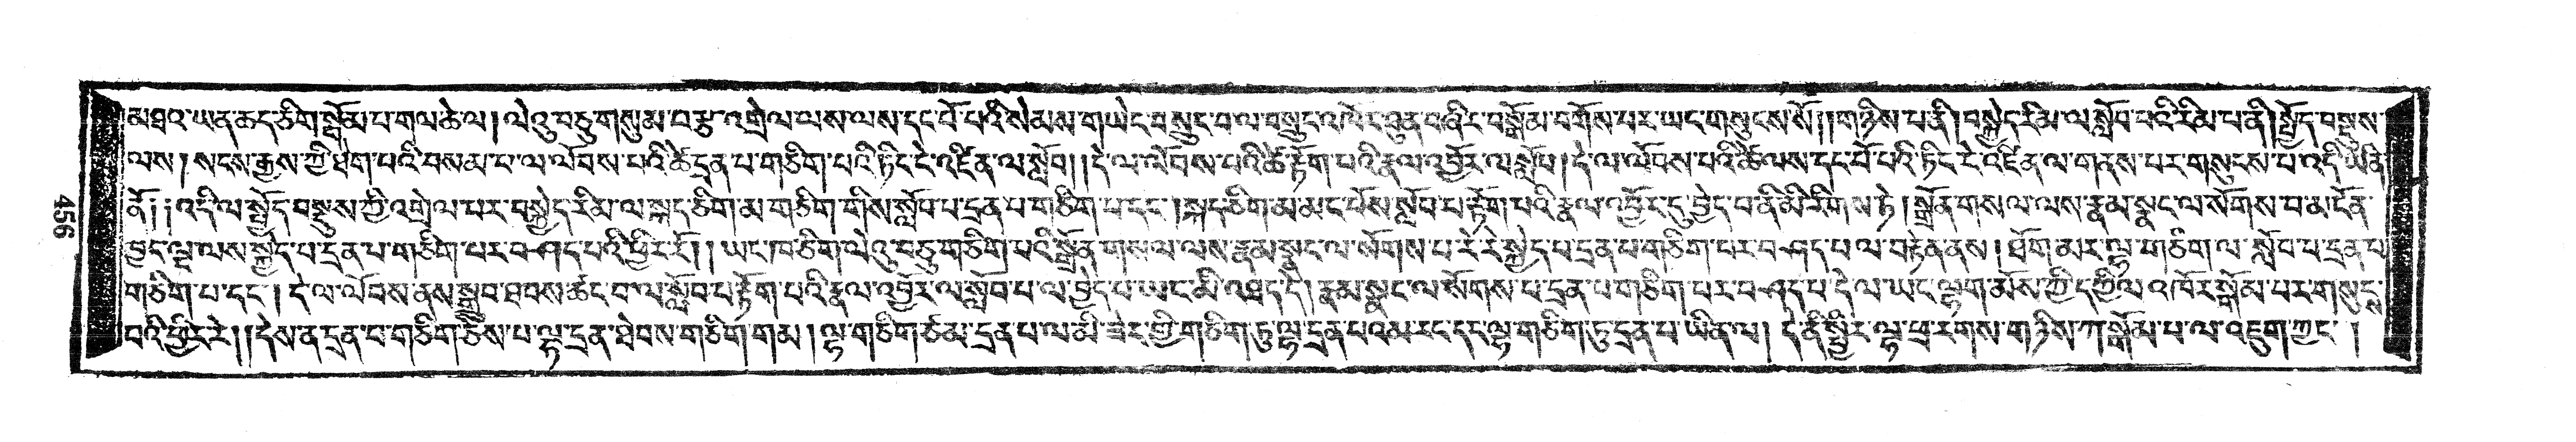མཐའ་ཡན་ཆད་ཅིག་སྒོམ་པ་གལ་ཆེ་ལ། ལེའུ་བཅུ་གསུམ་པ་རྩ་འགྲེལ་ལས་ལས་དང་པོ་པའི་སེམས་གཡེང་བ་སྲུང་བ་ལ་བསྲུང་འཁོར་ཐུན་བཞིར་བསྒོམ་དགོས་པར་ཡང་གསུངས་སོ། །གཉིས་པ་ནི། བསྐྱེད་རིམ་ལ་སློབ་པའི་རིམ་པ་ནི། སྤྱོད་བསྡུས་
ལས། སངས་རྒྱས་ཀྱི་ཐེག་པའི་བསམ་པ་ལ་ལོབས་པའི་ཚེ་དྲན་པ་གཅིག་པའི་ཏིང་ངེ་འཛིན་ལ་སློབ། །དེ་ལ་ལོབས་པའི་ཚེ་རྟོག་པའི་རྣལ་འབྱོར་ལ་སློབ། དེ་ལ་ལོབས་པའི་ཚེ་ལས་དང་པོ་པའི་ཏིང་ངེ་འཛིན་ལ་གནས་པར་གསུངས་པ་འདི་ཡིན་
ནོ༑ ༑འདི་ལ་སྤྱོད་བསྡུས་ཀྱི་འགྲེལ་པར་བསྐྱེད་རིམ་ལ་སྐད་ཅིག་མ་གཅིག་གིས་སློབ་པ་དྲན་པ་གཅིག་པ་དང་། སྐད་ཅིག་མ་མང་པོས་སློབ་པ་རྟོག་པའི་རྣལ་འབྱོར་དུ་བྱེད་པ་ནི་མི་རིགས་ཏེ། སྒྲོན་གསལ་ལས་རྣམ་སྣང་ལ་སོགས་པ་མངོན་
བྱང་ལྔ་ལས་སྐྱེད་པ་དྲན་པ་གཅིག་པར་བཤད་པའི་ཕྱིར་རོ། །ཡང་ཁ་ཅིག་ལེའུ་བཅུ་གཅིག་པའི་སྒྲོན་གསལ་ལས་རྣམ་སྣང་ལ་སོགས་པ་རེ་རེ་སྐྱེད་པ་དྲན་པ་གཅིག་པར་བཤད་པ་ལ་བརྟེན་ནས། ཐོག་མར་ལྷ་གཅིག་ལ་སློབ་པ་དྲན་པ་
གཅིག་པ་དང་། དེ་ལ་ལོབས་ནས་སྒྲུབ་ཐབས་ཚང་བ་ལ་སློབ་པ་རྟོག་པའི་རྣལ་འབྱོར་ལ་སློབ་པ་ལ་བྱེད་པ་ཡང་མི་འཐད་དི། རྣམ་སྣང་ལ་སོགས་པ་དྲན་པ་གཅིག་པར་བཤད་པ་དེ་ལ་ཡང་ལྷག་མོས་ཀྱི་དཀྱིལ་འཁོར་སྒོམ་པར་གསུངས་
པའི་ཕྱིར་རོ། །དས་ན་དྲན་པ་གཅིག་ཅེས་པ་ལྷུ་དྲན་ཐེབས་གཅིག་གམ། ལྷ་གཅིག་ཙམ་དྲན་པ་ལ་མི་ཟེར་གྱི་གཅིག་ཏུ་ལྷ་དྲན་པའམ་རང་དང་ལྷ་གཅིག་ཏུ་དྲན་པ་ཡིན་ལ། དེ་ནི་སྤྱིར་ལྷ་ཕྲ་རགས་གཉིས་ཀ་སྒོམ་པ་ལ་འཇུག་ཀྱང་།